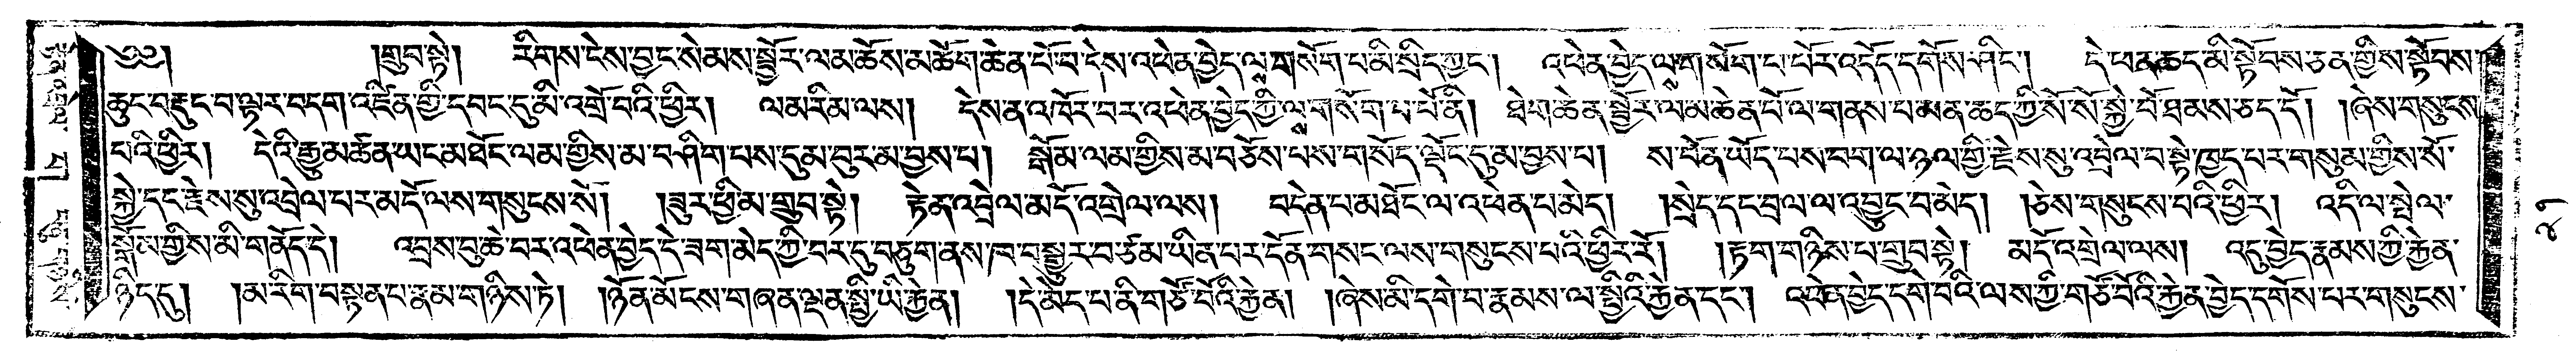༄༅། །གྲུབ་སྟེ། རིགས་ངེས་བྱང་སེམས་སྦྱོར་ལམ་ཆོས་མཆོག་ཆེན་པོ་པ་དེས་འཕེན་བྱེད་ལས་གསོག་པ་མི་སྲིད་ཀྱང་། འཕེན་བྱེད་ལས་གསོག་པ་པོར་འདོད་དགོས་ཤིང་། དེ་པན་ཆད་མི་སྟོབས་ཅན་གྱིས་སྟོབས་
ཆུང་བརྡུང་བ་ལྟར་བདག་འཛིན་གྱི་དབང་དུ་མི་འགྲོ་བའི་ཕྱིར། ལམ་རིམ་ལས། དེས་ན་འཁོར་བར་འཕེན་བྱེད་ཀྱི་ལས་གསོག་པ་པོ་ནི། ཐེག་ཆེན་སྦྱོར་ལམ་ཆེན་པོ་ལ་གནས་པ་མན་ཆད་ཀྱི་སོ་སོ་སྐྱེ་བོ་ཐམས་ཅད་དོ། །ཞེས་གསུངས་
པའི་ཕྱིར། དེའི་རྒྱུ་མཚན་ཡང་མཐོང་ལམ་གྱིས་མ་བཤིག་པས་དུམ་བུར་མ་བྱས་པ། སྒོམ་ལམ་གྱིས་མ་བཅོས་པས་གསོད་ལྡོང་དུ་མ་བྱས་པ། ས་བོན་ཡོད་པས་བག་ལ་ཉལ་གྱི་རྗེས་སུ་འབྲེལ་བ་སྟེ་ཁྱད་པར་གསུམ་གྱིས་སོ་
སྐྱེ་དང་རྗེས་སུ་འབྲེལ་པར་མདོ་ལས་གསུངས་སོ། །ཟུར་ཕྱི་མ་གྲུབ་སྟེ། རྟེན་འབྲེལ་མདོ་འགྲེལ་ལས། བདེན་པ་མཐོང་ལ་འཕེན་པ་མེད། །སྲེད་དང་བྲལ་ལ་འབྱུང་བ་མེད། །ཅེས་གསུངས་པའི་ཕྱིར། འདི་ལ་སྤེལ་
སྒོམ་གྱིས་མི་གནོད་དེ། འབྲས་བུ་ཆེ་བར་འཕེན་བྱེད་དེ་ཟག་མེད་ཀྱི་བར་དུ་བཅུག་ནས་ཁ་བསྒྱུར་བ་ཙམ་ཡིན་པར་དོན་གསང་ལས་གསུངས་པའི་ཕྱིར་རོ། །རྟག་གཉིས་པ་གྲུབ་སྟེ། མདོ་འགྲེལ་ལས། འདུ་བྱེད་རྣམས་ཀྱི་རྐྱེན་
ཉིད་དུ། །མ་རིག་བསྟན་པ་རྣམ་གཉིས་ཏེ། །ཉོན་མོངས་གཞན་ལྡན་སྤྱི་ཡི་རྐྱེན། །དེ་མེད་པ་ནི་གཙོ་བོའི་རྐྱེན། །ཞེས་མི་དགེ་བ་རྣམས་ལ་སྤྱིའི་རྐྱེན་དང་། འཕེན་བྱེད་དགེ་བའི་ལས་ཀྱི་གཙོ་བོའི་རྐྱེན་བྱེད་དགོས་པར་གསུངས་